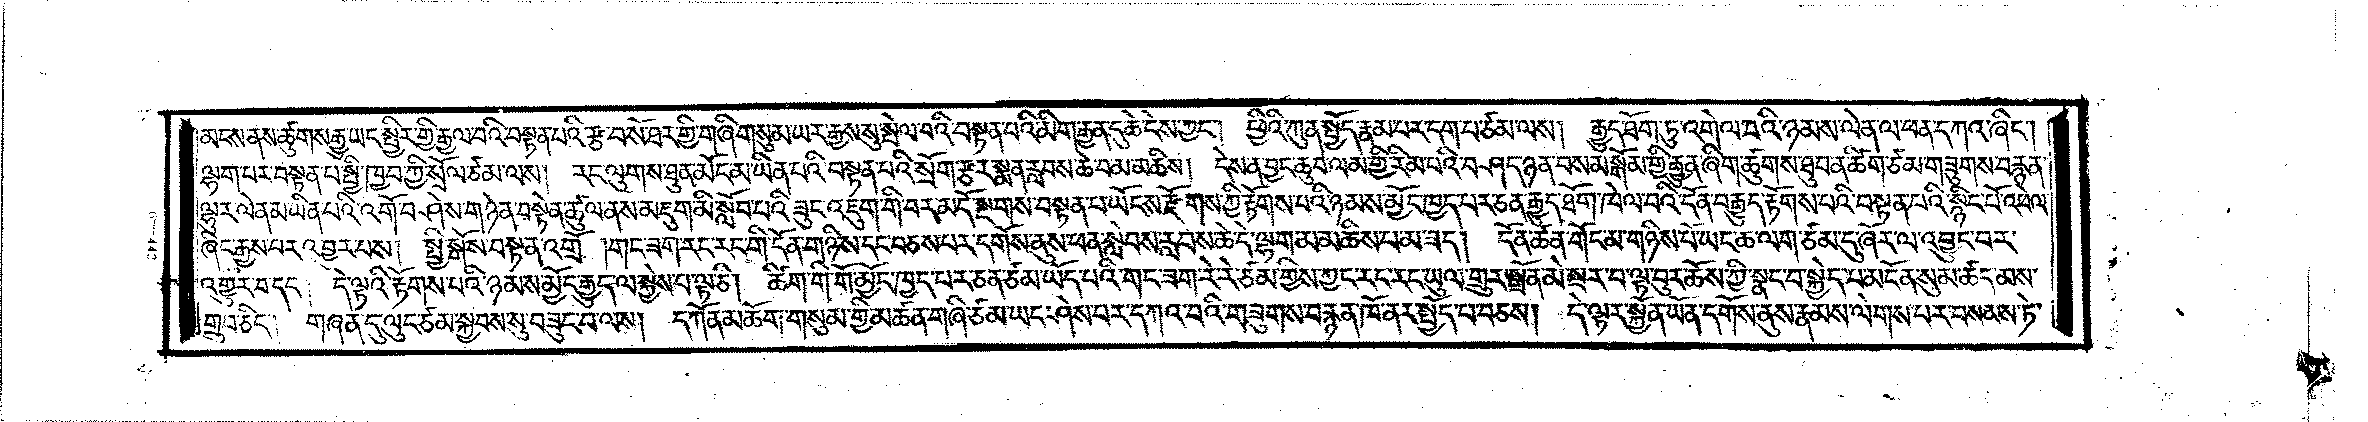མངས་ནས་ཚུགས་རྒྱུ་ཡང་སྤྱིར་གྱི་རྒྱལ་བའི་བསྟན་པའི་རྩ་བསོ་ཐར་གྱི་གཞི་གསུམ་ཡར་རྒྱས་སུ་སྤེལ་བའི་བསྟན་པའི་མིག་རྒྱན་དུ་ཆེ་ངེས་ཀྱང་། ཕྱིའི་ཀུན་སྤྱོད་རྣམ་པར་དག་པ་ཙམ་ལས། རྒྱུད་ཐོག་ཏུ་འགེལ་བའི་ཉམས་ལེན་ལ་ཕན་དཀའ་ཞིང་།
ལྷག་པར་བསྟན་པ་སྤྱི་ཁྱབ་ཀྱི་སྲོལ་ཙམ་ལས། རང་ལུགས་ཐུན་མོང་མ་ཡིན་པའི་བསྟན་པའི་སྲོག་རྩར་སྨན་རླབས་ཆེ་བམ་མཆིས། དེས་ན་བྱང་ཆུབ་ལམ་གྱི་རིམ་པའི་བཤད་ཉན་བསམ་སྒོམ་གྱི་རྒྱུན་ཞིག་ཚུགས་ཐུབ་ན་ཚིག་ཙམ་གཟུགས་བརྙན་
ལྷུར་ལེན་མ་ཡིན་པའི་འགོ་བཤེས་གཉེན་བསྟེན་ཚུལ་ནས་མཇུག་མི་སློབ་པའི་ཟུང་འཇུག་གི་བར་མདོ་སྔགས་བསྟན་པ་ཡོངས་རྫོགས་ཀྱི་རྟོགས་པའི་ཉམས་མྱོང་ཁྱད་པར་ཅན་རྒྱུད་ཐོག་ཁེལ་བའི་དོན་བརྒྱུད་རྟོགས་པའི་བསྟན་པའི་སྙིང་པོ་འཕེལ་
ཞིང་རྒྱས་པར་འབྱར་པས། སྤྱི་སྒོས་བསྟན་འགྲོ་།གང་ཟག་རང་རང་གི་དོན་གཉིས་དང་བཅས་པར་དགོས་ནུས་ཕན་སླེབས་རླབས་ཆེ་དེ་ལྷག་མ་མཆིས་པ་མ་ཟད། དོན་ཚན་གོང་མ་གཉིས་པོ་ཡང་ཆ་ལག་ཙམ་དུ་ཞོར་ལ་འབྱུང་བར་
འགྱུར་བ་དང་། དེ་ལྟའི་རྟོགས་པའི་ཉམས་མྱོང་རྒྱུད་ལ་སྐྱེས་པ་ལྟ་ཅི། ཚིག་གི་གོ་མྱོང་ཁྱད་པར་ཅན་ཙམ་ཡོད་པའི་གང་ཟག་རེ་རེ་ཙམ་གྱིས་ཀྱང་རང་རང་ཡུལ་གྱུར་སྒྲོན་མེ་སྤར་བ་ལྟ་བུར་ཆོས་ཀྱི་སྣང་བ་སྐྱེད་པ་མངོན་སུམ་ཚད་མས་
གྲུབ་ཅིང་། གཞན་དུ་ལུང་ཙམ་སྐྱབས་སུ་བཟུང་བ་ལས། དཀོན་མཆོག་གསུམ་གྱི་མཚན་གཞི་ཙམ་ཡང་ཤེས་པར་དཀའ་བའི་གཟུགས་བརྙན་ཁོ་ནར་སྤྱོད་པ་བཅས། དེ་ལྟར་སྐྱོན་ཡོན་དགོས་ནུས་རྣམས་ལེགས་པར་བསམས་ཏེ་